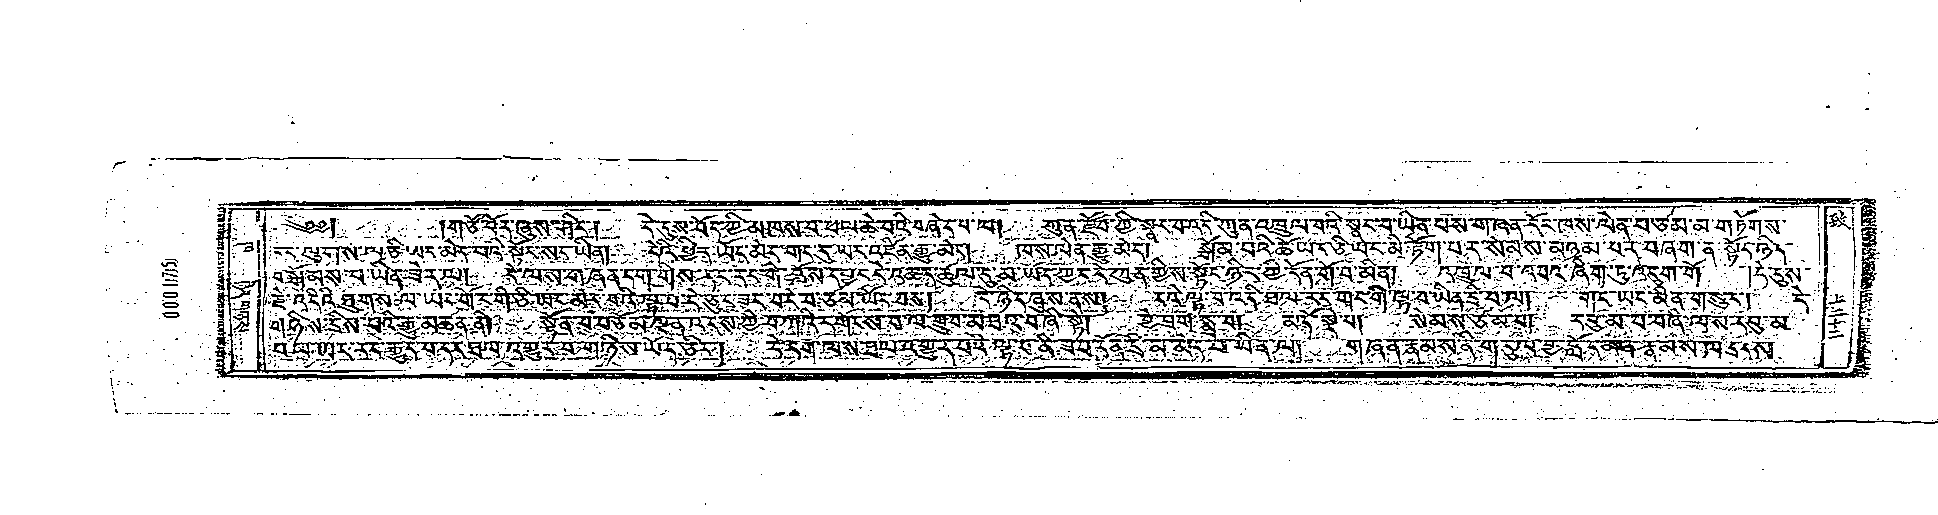༄༅། །གཙོ་བོར་ཞུས་ཤིང་། དེ་དུས་བོད་ཀྱི་མཁས་པ་ཕལ་ཆེ་བའི་བཞེད་པ་ལ། ཀུན་རྫོབ་ཀྱི་སྣང་བ་འདི་ཀུན་འཁྲུལ་བའི་སྣང་བ་ཡིན་པས་གཞན་དོར་ཁས་ལེན་པ་ཙམ་མ་གཏོགས་
རང་ལུགས་ལ་ཅི་ཡང་མེད་པའི་སྟོང་སང་ཡིན། དེའི་ཕྱིར་ཡོད་མེད་གང་དུ་ཡང་འཛིན་རྒྱུ་མེད། ཁས་ལེན་རྒྱུ་མེད། སྒོམ་པའི་ཚེ་ཡང་ཅི་ཡང་མི་རྟོག་པར་སེམས་མཉམ་པར་བཞག་ན་སྟོང་ཉིད་
བསྒོམས་པ་ཡིན་ཟེར་ལ། དེ་ལས་གཞན་དག་གིས་རང་རང་གི་བློས་དབྱད་དེ་འཆད་ཚུལ་དུ་མ་ཡོད་ཀྱང་དེ་ཀུན་གྱིས་སྟོང་ཉིད་ཀྱི་དོན་གོ་བ་མིན། འཁྲུལ་བ་འབའ་ཞིག་ཏུ་འདུག་གོ། །དེ་དུས་
རྗེ་འདིའི་ཐུགས་ལ་ཡང་གོང་གི་ཅི་ཡང་མེད་བའི་ལྟ་པ་དེ་ཅུང་ཟད་བདེ་བ་ཙམ་ཡོད་བས། དེ་ཉིད་ཞུས་ནས། དའི་ལྟ་བ་འདི་ཐལ་རང་གང་གི་ལྟ་བ་ཡིན་དྲི་བ་ལ། གང་ཡང་མིན་གསུང་། དེ་
གཉིས་དྲིས་པའི་རྒྱུ་མཚན་ནི། སྟོན་པ་བཅོམ་ལྡན་འདས་ཀྱི་བཀའི་དགོངས་བ་ལ་གྲུབ་མཐའ་བཞི་སྟེ། བྱེ་བྲག་སྨྲ་བ། མདོ་སྡེ་པ། སེམས་ཙམ་པ། དབུ་མ་པ་བཞི་ལས་དབུ་མ་
པ་ལ་ཡང་རང་རྒྱུད་པ་དང་ཐལ་འགྱུར་བ་གཉིས་ཡོད་ཅིང་། དེ་དག་ལས་ཐལ་འགྱུར་བའི་ལྟ་བ་ནི་ཟབ་དོན་དྲི་མ་མེད་བ་ཡིན་ལ། གཞན་རྣམས་ནི་གདུལ་བྱ་བློ་དམན་རྣམས་ཁ་དྲངས་